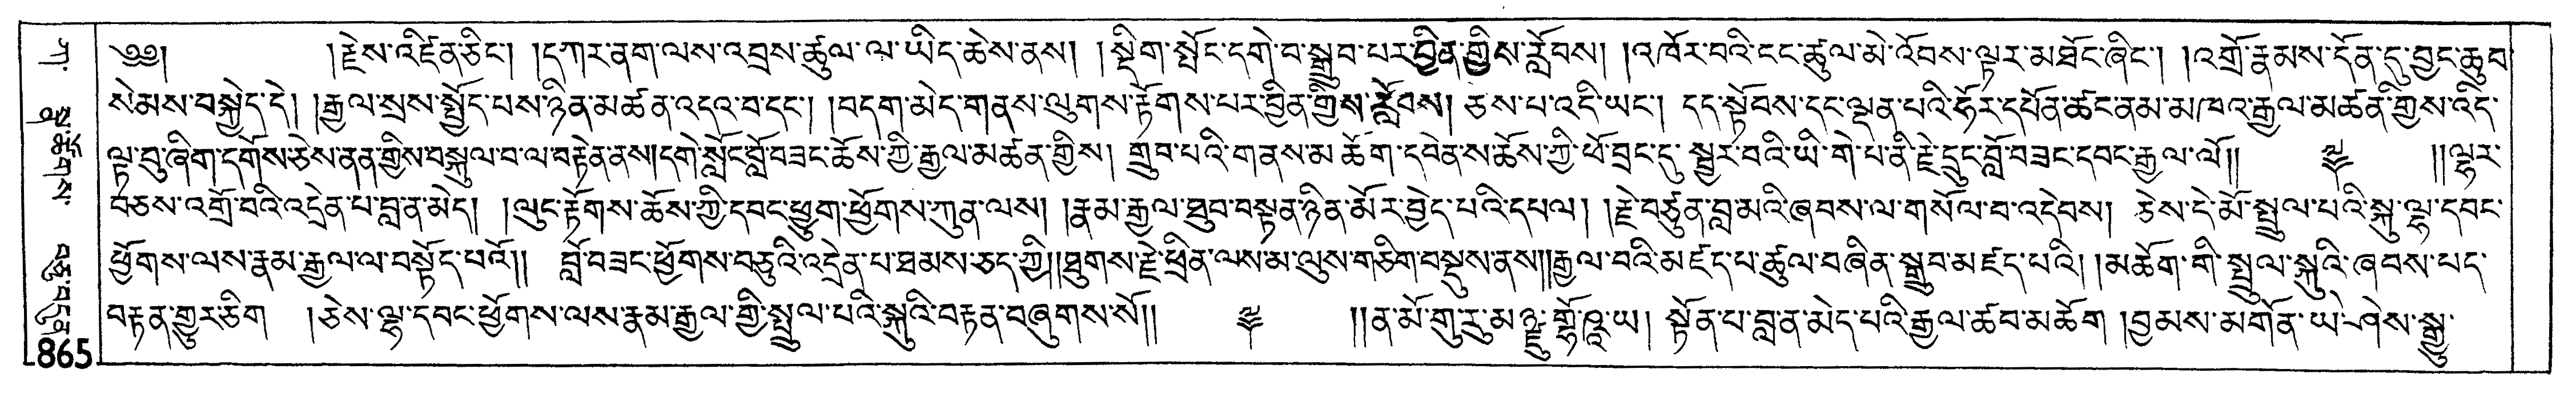༄༅། །རྗེས་འཛིན་ཅིང་། །དཀར་ནག་ལས་འབྲས་ཚུལ་ལ་ཡིད་ཆེས་ནས། །སྡིག་སྤོང་དགེ་བ་སྒྲུབ་པར་བྱིན་གྱིས་རློབས། །འཁོར་བའི་ངང་ཚུལ་མེ་འོབས་ལྟར་མཐོང་ཞིང་། །འགྲོ་རྣམས་དོན་དུ་བྱང་ཆུབ་
སེམས་བསྐྱེད་དེ། །རྒྱལ་སྲས་སྤྱོད་པས་ཉིན་མཚན་འདའ་བ་དང་། །བདག་མེད་གནས་ལུགས་རྟོགས་པར་བྱིན་གྱིས་རློབས། ཅེས་པ་འདི་ཡང་། དད་སྟོབས་དང་ལྡན་པའི་ཧོར་དཔོན་ཚང་ནམ་མཁའ་རྒྱལ་མཚན་གྱིས་འདི་
ལྟ་བུ་ཞིག་དགོས་ཅེས་ནན་གྱིས་བསྐུལ་བ་ལ་བརྟེན་ནས། དགེ་སློང་བློ་བཟང་ཆོས་ཀྱི་རྒྱལ་མཚན་གྱིས། གྲུབ་པའི་གནས་མཆོག་དབེན་ས་ཆོས་ཀྱི་ཕོ་བྲང་དུ་སྦྱར་བའི་ཡི་གེ་པ་ནི་རྗེ་དྲུང་བློ་བཟང་དབང་རྒྱལ་ལོ།། ༈ །།ལྷར་
བཅས་འགྲོ་བའི་འདྲེན་པ་བླ་ན་མེད། །ལུང་རྟོགས་ཆོས་ཀྱི་དབང་ཕྱུག་ཕྱོགས་ཀུན་ལས། །རྣམ་རྒྱལ་ཐུབ་བསྟན་ཉིན་མོར་བྱེད་པའི་དཔལ། །རྗེ་བཙུན་བླ་མའི་ཞབས་ལ་གསོལ་བ་འདེབས། ཅེས་དེ་མོ་སྤྲུལ་པའི་སྐུ་ལྷ་དབང་
ཕྱོགས་ལས་རྣམ་རྒྱལ་ལ་བསྟོད་པའོ། །བློ་བཟང་ཕྱོགས་བཅུའི་འདྲེན་པ་ཐམས་ཅད་ཀྱི། །ཐུགས་རྗེ་ཕྲིན་ལས་མ་ལུས་གཅིག་བསྡུས་ནས། །རྒྱལ་བའི་མཛད་པ་ཚུལ་བཞིན་སྒྲུབ་མཛད་པའི། །མཆོག་གི་སྤྲུལ་སྐུའི་ཞབས་པད་
བརྟན་གྱུར་ཅིག །ཅེས་ལྷ་དབང་ཕྱོགས་ལས་རྣམ་རྒྱལ་གྱི་སྤྲུལ་པའི་སྐུའི་བརྟན་བཞུགས་སོ།། ༈ །།ན་མོ་གུ་རུ་མཉྫུ་གྷོ་ཥཱ་ཡ། སྟོན་པ་བླ་ན་མེད་པའི་རྒྱལ་ཚབ་མཆོག །བྱམས་མགོན་ཡེ་ཤེས་སྒྱུ་